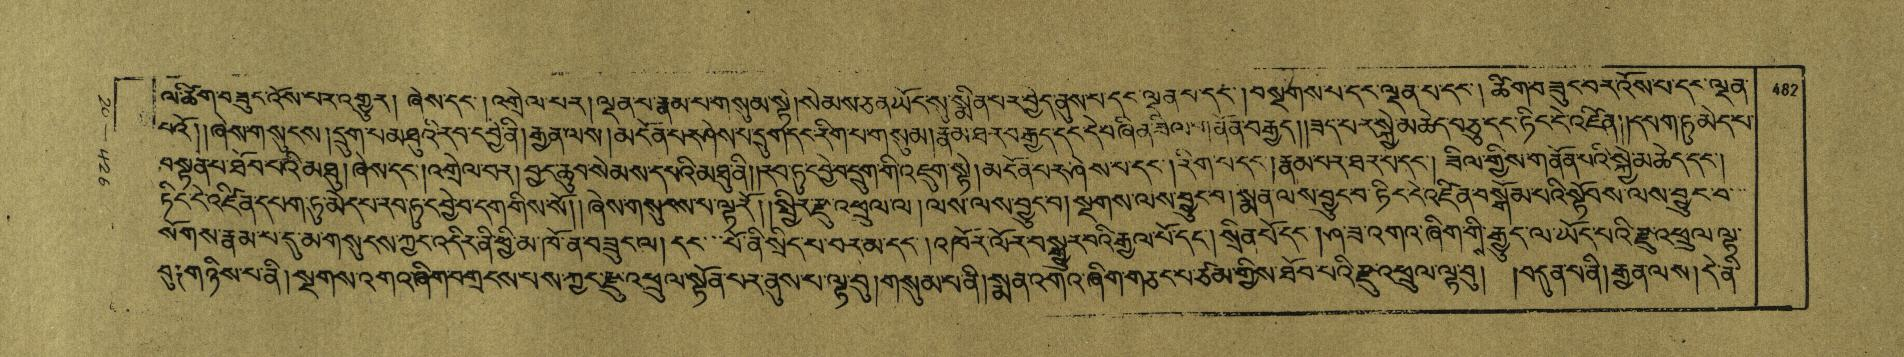ལ་ཚིག་བཟུང་འོས་པར་འགྱུར། ཞེས་དང་། འགྲེལ་པར། ལྡན་པ་རྣམ་པ་གསུམ་སྟེ། སེམས་ཅན་ཡོངྶུ་སྨིན་པར་བྱེད་ནུས་པ་དང་ལྡན་པ་དང་། བསྔགས་པ་དང་ལྡན་པ་དང་། ཚིག་བཟུང་བར་འོས་པ་དང་ལྡན་
པའོ། །ཞེས་གསུངས། དྲུག་པ་མཐུའི་རབ་དབྱེ་ནི། རྒྱན་ལས། མངོན་པར་ཤེས་པ་དྲུག་དང་རིག་པ་གསུམ། རྣམ་ཐར་བརྒྱད་དང་དེ་བཞིན་ཟིལ་གནོན་བརྒྱད། །ཟད་པར་སྐྱེ་མཆེད་བཅུ་དང་ཏིང་ངེ་འཛིན། །དཔག་ཏུ་མེད་པ་
བསྟན་པ་ཐོབ་པའི་མཐུ། ཞེས་དང་། འགྲེལ་བར། བྱང་ཆུབ་སེམས་དཔའི་མཐུ་ནི། །རབ་ཏུ་དབྱེ་བ་དྲུག་གི་འཇུག་སྟེ། མངོན་པར་ཤེས་པ་དང་། རིག་པ་དང་། རྣམ་པར་ཐར་པ་དང་། ཟིལ་གྱིས་གནོན་པའི་སྐྱེ་མཆེད་དང་།
ཏིང་ངེ་འཛིན་དཔག་ཏུ་མེད་པ་རབ་ཏུ་དབྱེ་བ་དག་གིས་སོ། །ཞེས་གསུངས་པ་ལྟརོ། །སྤྱིར་རྫུ་འཕྲུལ་ལ། ལས་ལས་བྱུང་བ། སྔགས་ལས་བྱུང་བ། སྨན་ལས་བྱུང་བ་ཏིང་ངེ་འཛིན་བསྒོམ་པའི་སྟོབས་ལས་བྱུང་བ་
སོགས་རྣམ་པ་དུ་མ་གསུངས་ཀྱང་འདིར་ནི་ཕྱི་མ་ཁོ་ན་བཟུང་ལ། དང་པོ་ནི་སྲིད་པ་བར་མ་དང་། འཁོར་ལོར་བསྒྱུར་བའི་རྒྱལ་པོ་དང་། སྲིན་པོ་དང་། ཤ་ཟ་འགའ་ཞིག་གིས་རྒྱུད་ལ་ཡོད་པའི་རྫུ་འཕྲུལ་ལྟ་
བུ༑ གཉིས་པ་ནི། སྔགས་འགའ་ཞིག་བགྲངས་པས་ཀྱང་རྫུ་འཕྲུལ་སྟོན་པར་ནུས་པ་ལྟ་བུ། གསུམ་པ་ནི། སྨན་འགའ་ཞིག་གཅང་པ་ཙམ་གྱིས་ཐོབ་པའི་རྫུ་འཕྲུལ་ལྟ་བུ། །བདུན་པ་ནི། རྒྱན་ལས། དེ་ནི་